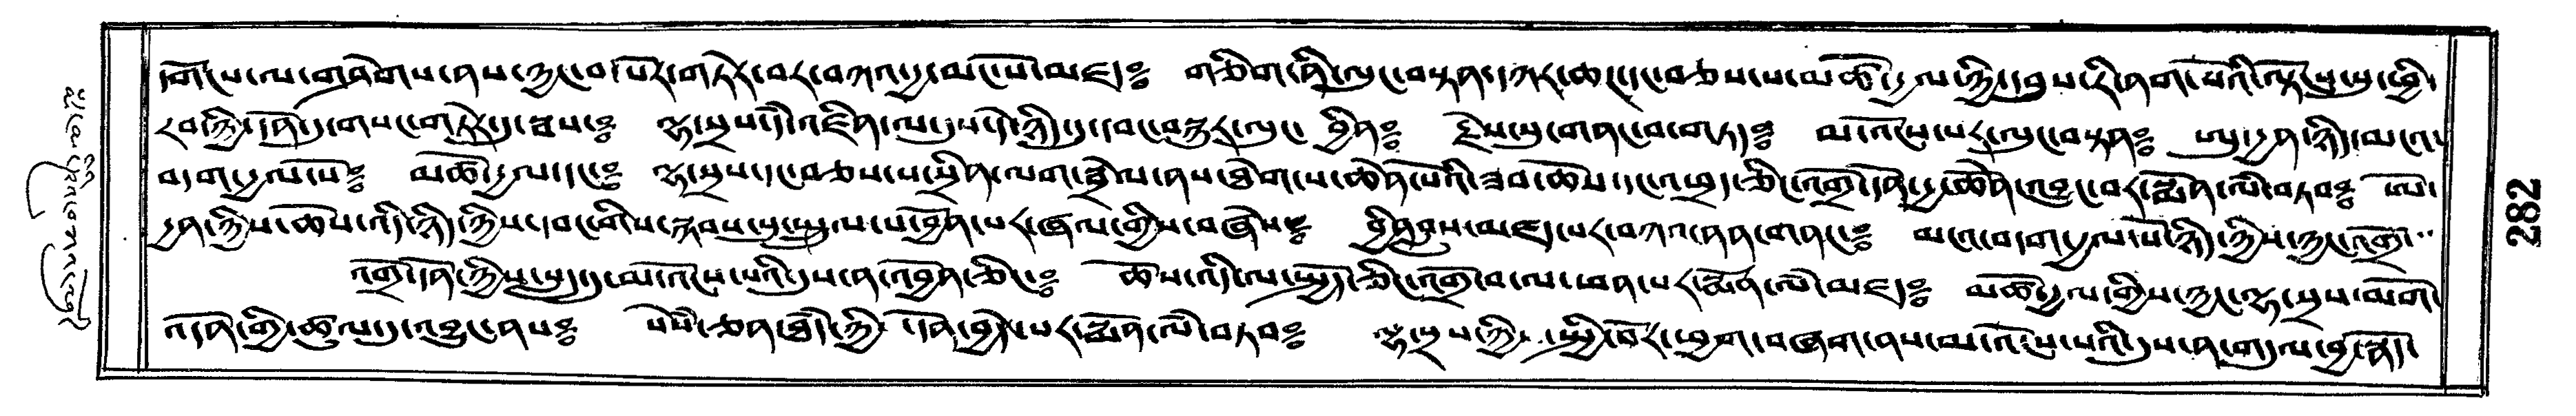དགོངས་པ་གཤེགས་ནས་ཀྱང་བཀའ་རྒྱ་མང་པོ་མཛད༔གཅིག་ནི་ལུང་བསྟན་དཀར་ཆག་དང་བཅས་པ་མཚོ་རྒྱལ་གྱིས་དབུས་རི་ནག་པོའི་ལྟོངས་སུ་ཕྱི་
རབས་ཀྱི་དོན་དུ་གསང་གཏེར་དུ་སྦས༔ ལྷ་སྲས་དམ་འཛིན་ལ་དུས་དེ་ཉིད་དུ་དབང་བསྐུར་ལུང་བྱིན༔ རྗེས་སུ་གནང་བ་གཏད༔ མ་འོངས་པར་ལུང་བསྟན༔ ཨུ་རྒྱན་ཉིད༔ མངའ་
བདག་རྒྱལ་པོ༔ མཚོ་རྒྱལ་ལྷ་སྲས་དང་བཅས་པ་སྲིན་ལག་སྦྲེལ་ནས་ཐེག་པ་ཆེན་པོའི་ཟབ་ཆོས་དང་འཕྲད་ཅིང་འགྲོ་དོན་རྒྱ་ཆེན་པོ་འབྱུང་བར་སྨོན་ལམ་བཏབ༔ ཨོ་
རྒྱན་གྱིས་ཆོས་འདི་ཉིད་ཀྱི་དབང་གི་སྐབས་སུ་སྤྲུལ་པ་བྱོན་པར་ཞལ་གྱིས་བཞེས༔ བྱིན་རླབས་མཛད་པར་བཀའ་ནན་གནང༔ མངའ་བདག་རྒྱལ་པོ་ཉིད་ཀྱིས་ཀྱང་འགྲོ་
འགྲོ་དོན་ཀྱི་སླད་དུ་མ་འོངས་པའི་དུས་ན་འབྱོན་ཞིང༔ ཆོས་འདི་ལ་སྤྱོད་ཅིང་འགྲོ་བ་ལ་ཕན་པར་སྨོན་ལམ་མཛད༔ མཚོ་རྒྱལ་གྱིས་ཀྱང་ལྷ་སྲས་མགོ་
འདོན་གྱི་ཚུལ་དུ་བྱོན་ནས༔ སེམས་ཅན་ཐམས་ཅད་ཀྱི་དོན་བྱེད་པར་སྨོན་ལམ་བཏབ༔ ལྷ་སྲས་ཀྱི་སྤྱི་བོར་ཕྱག་བཞག་ནས་མ་འོངས་པའི་དུས་ན་གདུལ་བྱ་སྣོད་